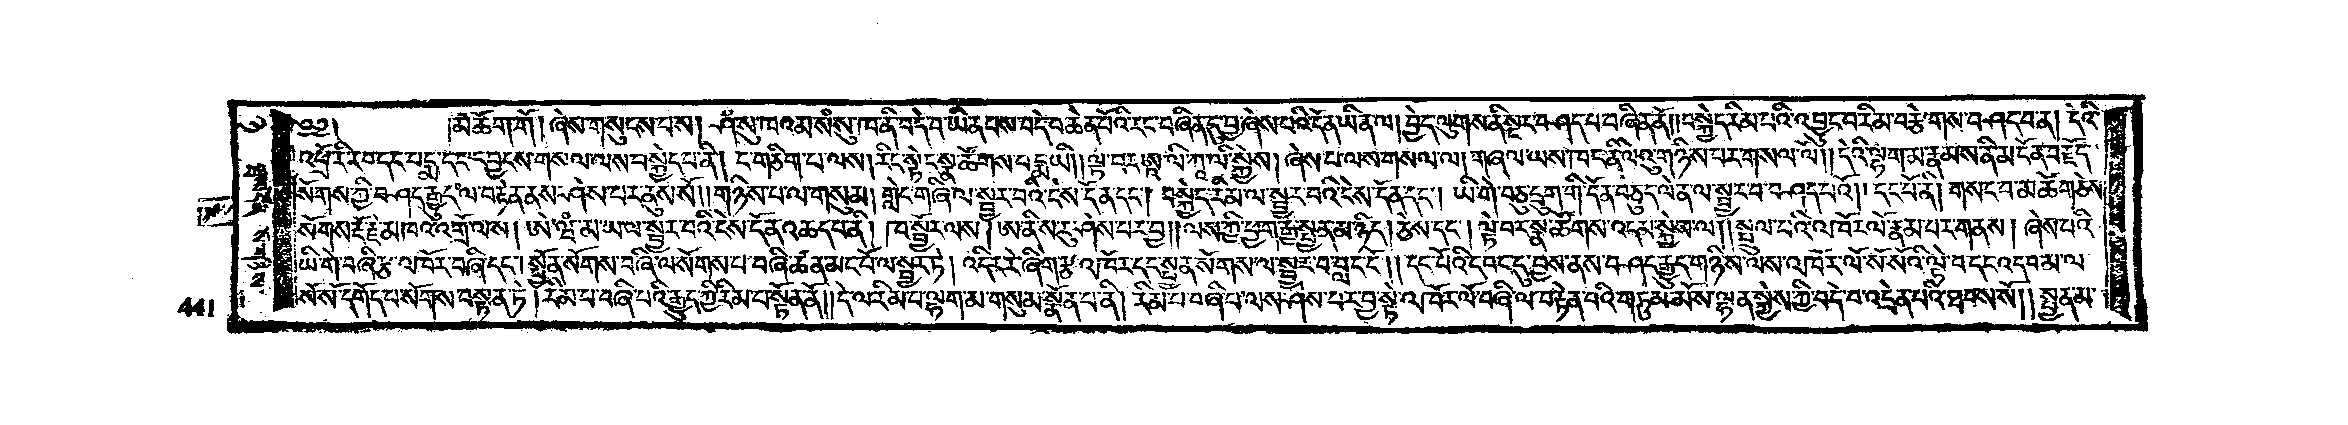༄༅། །མཆོག་གོ །ཞེས་གསུངས་པས། ཤཾ་སུ་ཁའམ་སཾ་སུ་ཁ་ནི་བདེ་བ་ཡིན་པས་བདེ་བ་ཆེན་པོའི་རང་བཞིན་དུ་བྱ་ཞེས་པའི་དོན་ཡིན་ལ། བྱེད་ལུགས་ནི་སྔར་བཤད་པ་བཞིན་ནོ། །བསྐྱེད་རིམ་པའི་འབྱུང་བ་རིམ་བརྩེགས་བཤད་པ་ན། དེའི་
འཕྲོ་རི་རབ་དང་པདམ་དང་དབྱངས་གསལ་ལས་བསྐྱེད་པ་ནི། ང་གཅིག་པ་ལས། རིང་སྟེང་སྣ་ཚོགས་པདམ་ཡི། །ལྟེ་བར་ཨཱ་ལི་ཀཱ་ལི་སྐྱེས། ཞེས་པ་ལས་གསལ་ལ། གཞལ་ཡས་ཁང་ནི་ལེའུ་གཉིས་པར་གསལ་ལོ། །དེའི་ལྷག་མ་རྣམས་ནི་མངོན་བརྗོད་
སོགས་ཀྱི་བཤད་རྒྱུད་ལ་བརྟེན་ནས་ཤེས་པར་ནུས་སོ། །གཉིས་པ་ལ་གསུམ། གླེང་གཞི་ལ་སྦྱར་བའི་ངེས་དོན་དང་། བསྐྱེད་རིམ་ལ་སྦྱར་བའི་ངེས་དོན་དང་། ཡི་གེ་བཅུ་དྲུག་གི་དོན་བཅུད་ལེན་ལ་སྦྱར་བ་བཤད་པའོ། །དང་པོ་ནི། གསང་བ་མཆོག་ཅེས་
སོགས་རྡོ་རྗེ་མཁའ་འགྲོ་ལས། ཨེ་ལྦཾ་མ་ཡ་ལ་སྦྱར་བའི་ངེས་དོན་འཆད་པ་ནི། ཁ་སྦྱོར་ལས། ཨ་ནི་ས་རུ་ཤེས་པར་བྱ། །ལས་ཀྱི་ཕྱག་རྒྱ་སྤྱན་མ་ཉིད། ཅེས་དང་། ལྟེ་བར་སྣ་ཚོགས་འདམ་སྐྱེས་ལ། །སྤྲུལ་པའི་འཁོར་ལོ་རྣམ་པར་གནས། ཞེས་པའི་
ཡི་གེ་བཞི་རྩ་འཁོར་བཞི་དང་། སྤྱན་སོགས་བཞི་ལ་སོགས་པ་བཞི་ཚན་མང་པོ་ལ་སྦྱར་ཏེ། འདིར་རེ་ཞིག་རྩ་འཁོར་དང་སྤྱན་སོགས་ལ་སྦྱར་བ་བླང་ངོ། །དང་པོའི་དབང་དུ་བྱས་ནས་བཤད་རྒྱུད་གཉིས་ལས་འཁོར་ལོ་སོ་སོའི་ལྟེ་བ་དང་འདབ་མ་ལ་
སོ་སོ་དགོད་པ་སོགས་བསྟན་ཏེ། རིམ་པ་བཞི་པའི་རྒྱུད་ཀྱི་རིམ་པ་སྟོན་ནོ། །དེ་ལ་རིམ་པ་ལྷག་མ་གསུམ་སྣོན་པ་ནི། རིམ་པ་བཞི་པ་ལས་ཤེས་པར་བྱ་སྟེ་འཁོར་ལོ་བཞི་ལ་བརྟེན་པའི་གཏུམ་མོས་ལྷན་སྐྱེས་ཀྱི་བདེ་བ་འདྲེན་པའི་ཐབས་སོ། །སྤྱན་མ་